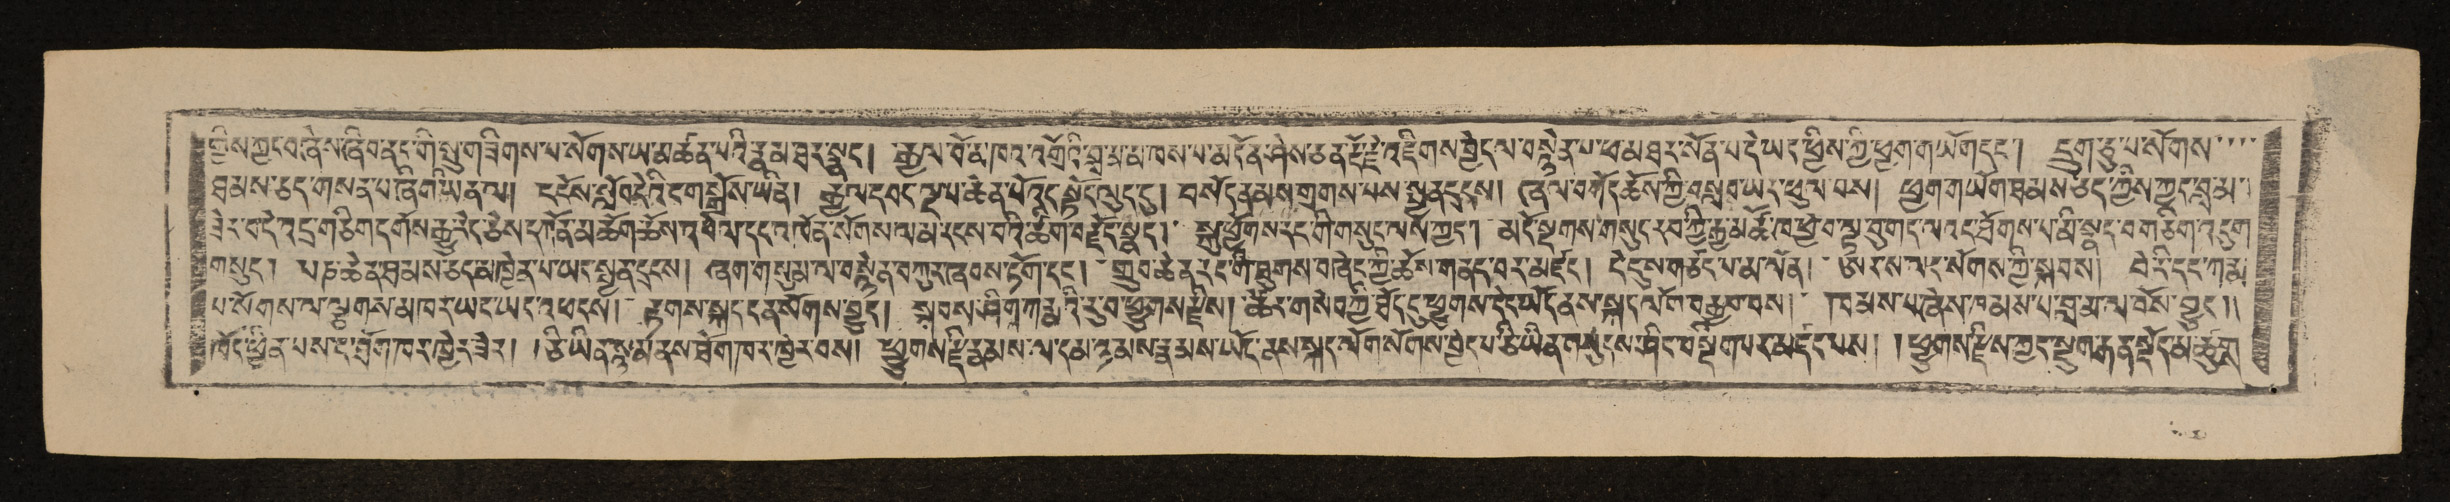གྱིས་ཀྱང་བཞེས་ཞིབ་ནང་གི་སྤུ་གཟིགས་པ་སོགས་ཡ་མཚན་པའི་རྣམ་ཐར་སྣང་། རྒྱལ་པོ་མཁའ་འགྲོའི་བླ་མ་མཁས་པ་མངོན་ཤེས་ཅན་རྡོ་རྗེ་འཇིགས་བྱེད་ལ་བསྙེན་པ་ཕ་མཐར་སོན་པ་དེ་ཡང་ཕྱིས་ཀྱི་ཕྱག་གཡོག་དང་། དྲུག་ཅུ་པ་སོགས་
ཐམས་ཅད་གསན་པ་ཞིག་ཡིན་ལ། དངོས་སློབ་དེའི་ངག་སྒྲོས་ཡིན། རྒྱལ་དབང་ལྔ་པ་ཆེན་པོའང་སྟོད་ལུང་དུ། བསོད་ནམས་གྲགས་པས་སྤྱན་དྲངས། ཞལ་བཀོད་ཆོས་ཀྱི་བསླབ་ཡར་ཕུལ་པས། ཕྱག་གཡོག་ཐམས་ཅད་ཀྱིས་ཀྱང་བླ་མ་
ཟེར་བ་དེ་འདྲ་གཅིག་དགོས་རྒྱུ་རེད་ཅེས་དཀོན་མཆོག་ཆོས་འཕེལ་དང་འཁོན་སོགས་ལ་མ་རངས་པའི་ཚིག་བརྗོད་སྣང་། སྐུ་ཕྱོགས་རང་གི་གསུང་ལས་ཀྱང་། མདོ་སྔགས་གསུང་རབ་ཀྱི་རྒྱ་མཚོ་ཁ་ཕྱེ་བ་ལྟ་བུ་གང་ལའང་ཐོགས་པ་མི་སྣང་བ་གཅིག་འདུག་
གསུང་། པཎ་ཆེན་ཐམས་ཅད་མཁྱེན་པ་ཡང་སྤྱན་དྲངས། ཞག་གསུམ་ལ་བསྙེན་བཀུར་ཞབས་ཏོག་དང་། གྲུབ་ཆེན་རང་གི་ཐུགས་བཞེད་ཀྱི་ཆོས་གནང་བར་མཛད། དེ་དུས་གཙང་པ་མ་ལོན། ཨར་ས་ལང་སོགས་ཀྱི་སྐབས། བེ་རི་དང་ཀརྨ་
བ་སོགས་ལ་ལྕགས་མཁར་ཡང་ཡང་འཕངས། རྟགས་སྐད་ངན་སོགས་བྱུང་། སྐབས་ཤིག་ཀརྨའི་རུ་བ་ཕྱུགས་རྫིས། ཚེར་གསེབ་ཀྱི་ཐོད་དུ་ཕྱུགས་དེད་ཡོད་ནས་སྐད་ལོག་བརྒྱབ་པས། ཁམས་པ་ཞེས་ཁམས་པ་བླ་མ་ལ་བོས་བྱུང་།
ཁོང་ཕྱིན་པས་ང་ཐོག་ཁར་ཁྱེར་ཟེར། ཅི་ཡིན་སྙམ་ནས་ཐོག་ཁར་ཁྱེར་བས། ཕྱུགས་རྫི་རྣམས་ལ་དམ་ཉམས་རྣམས་ཡོད་ནས་སྐད་ལོག་སོགས་བྱེད་པ་ཅི་ཡིན་གསུངས་ཤིང་བསྡིག་པར་མཛད་པས། ཕྱུགས་རྫིས་ཀྱང་སྡུག་རྒན་སྡོད་མཚུགས་